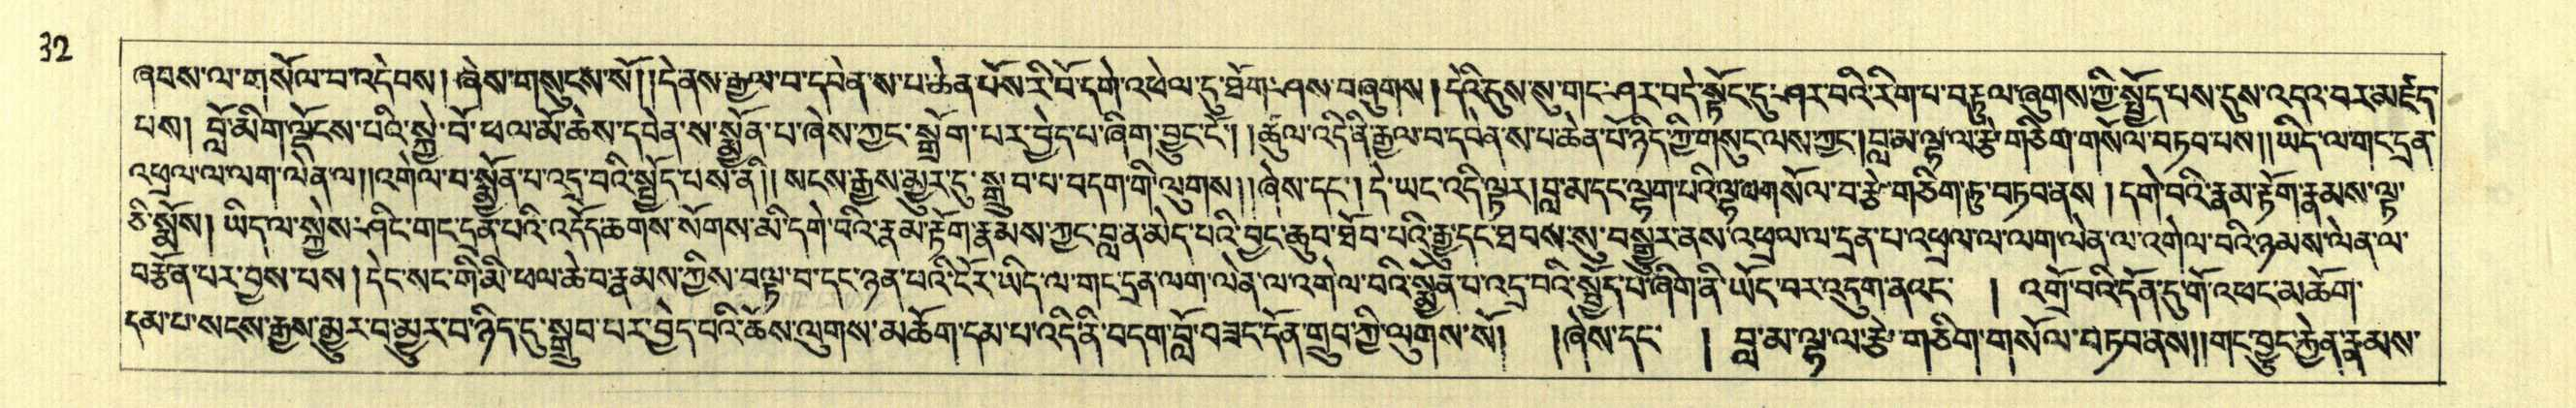ཞབས་ལ་གསོལ་བ་འདེབས། ཞེས་གསུངས་སོ། །དེ་ནས་རྒྱལ་བ་དབེན་ས་པ་ཆེན་པོས་རི་བོ་དགེ་འཕེལ་དུ་ཐོག་ཤས་བཞུགས། དེའི་དུས་སུ་གང་ཤར་བདེ་སྟོང་དུ་ཤར་བའི་རིག་པ་བརྟུལ་ཞུགས་ཀྱི་སྤྱོད་པས་དུས་འདའ་བར་མཛད་
པས། བློ་མིག་ལྡོངས་པའི་སྐྱེ་བོ་ཕལ་མོ་ཆེས་དབེན་ས་སྨྱོན་པ་ཞེས་ཀྱང་སྒྲོག་པར་བྱེད་པ་ཞིག་བྱུང་ངོ། །ཚུལ་འདི་ནི་རྒྱལ་བ་དབེན་ས་པ་ཆེན་པོ་ཉིད་ཀྱི་གསུང་ལས་ཀྱང་། བླ་མ་ལྷ་ལ་རྩེ་གཅིག་གསོལ་བཏབ་པས། །ཡིད་ལ་གང་དྲན་
འཕྲལ་ལ་ལག་ལེན་ལ། །འགེལ་བ་སྨྱོན་པ་འདྲ་བའི་སྤྱོད་པས་ནི། །སངས་རྒྱས་མྱུར་དུ་སྒྲུབ་པ་བདག་གི་ལུགས། །ཞེས་དང་། དེ་ཡང་འདི་ལྟར། བླ་མ་དང་ལྷག་པའི་ལྷ་ལ་གསོལ་བ་རྩེ་གཅིག་ཏུ་བཏབ་ནས། དགེ་བའི་རྣམ་རྟོག་རྣམས་ལྟ་
ཅི་སྨོས། ཡིད་ལ་སྐྱེས་ཤིང་གང་དྲན་པའི་འདོད་ཆགས་སོགས་མི་དགེ་བའི་རྣམ་རྟོག་རྣམས་ཀྱང་བླ་ན་མེད་པའི་བྱང་ཆུབ་ཐོབ་པའི་རྒྱུ་དང་ཐབས་སུ་བསྒྱུར་ནས་འཕྲལ་ལ་དྲན་པ་འཕྲལ་ལ་ལག་ལེན་ལ་འགེལ་བའི་ཉམས་ལེན་ལ་
བརྩོན་པར་བྱས་པས། དེང་སང་གི་མི་ཕལ་ཆེ་བ་རྣམས་ཀྱིས་བལྟ་བ་དང་ཉན་པའི་ངོར་ཡིད་ལ་གང་དྲན་ལག་ལེན་ལ་འགེལ་བའི་སྨྱོན་པ་འདྲ་བའི་སྤྱོད་པ་ཞིག་ནི་ཡོང་བར་འདུག་ནའང་།འགྲོ་བའི་དོན་དུ་གོ་འཕང་མཆོག་
དམ་པ་སངས་རྒྱས་མྱུར་བ་མྱུར་བ་ཉིད་དུ་སྒྲུབ་པར་བྱེད་པའི་ཆོས་ལུགས་མཆོག་དམ་པ་འདི་ནི་བདག་བློ་བཟང་དོན་གྲུབ་ཀྱི་ལུགས་སོ། །ཞེས་དང་།བླ་མ་ལྷ་ལ་རྩེ་གཅིག་གསོལ་བཏབ་ནས། །གང་བྱུང་རྐྱེན་རྣམས་